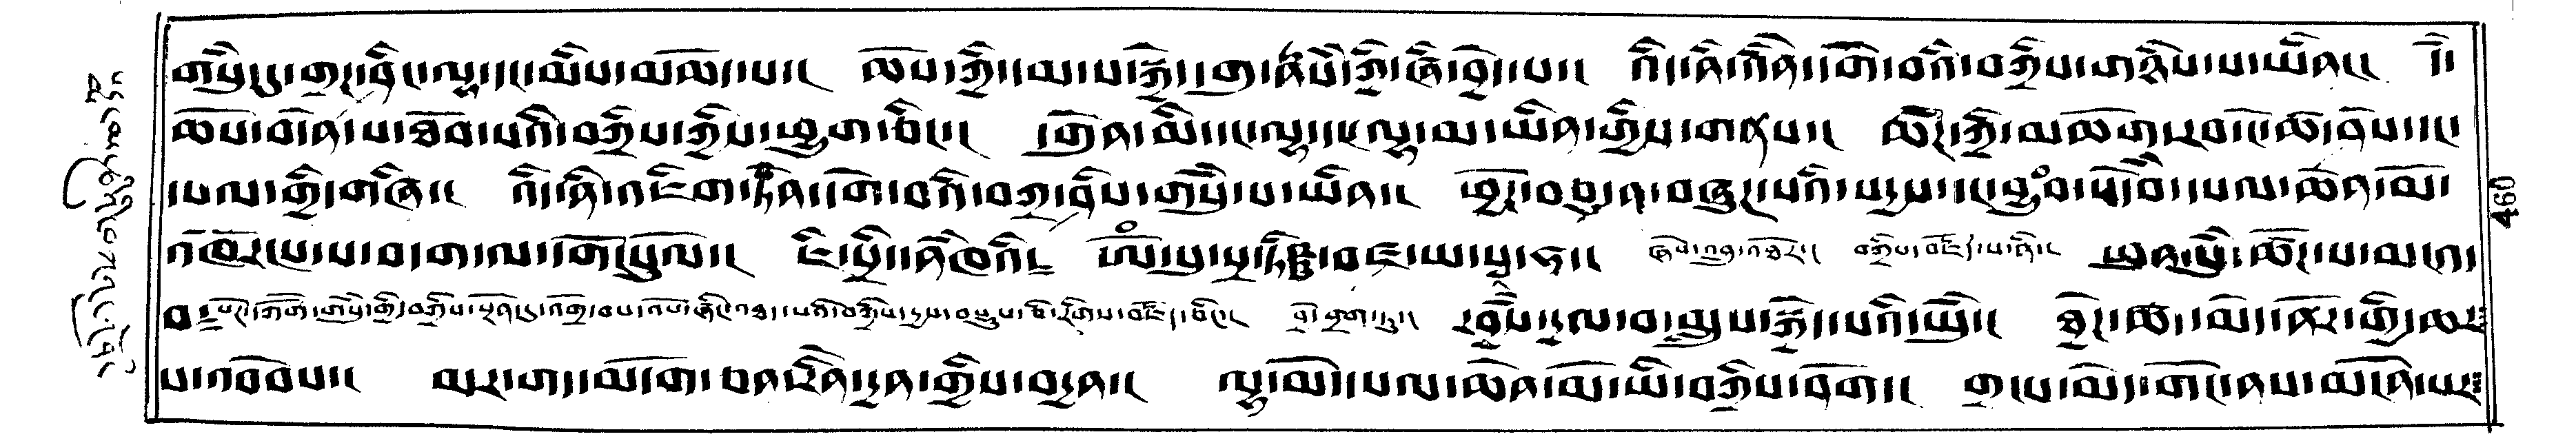གསུམ་དུ་གྲགས་ཤིང་ལྷ་དང་མིས་མཆོད་པ། །ཆོས་ཀྱི་དམ་པ་སྐྱེ་རྒུ་རྣམས་ཀྱི་ཞི་བྱེད་པ། །འདི་ནི་འཇིག་རྟེན་དགེ་བའི་བཀྲ་ཤིས་གཉིས་པ་ཡིན། །དམ་
ཆོས་བདེན་པ་ཐོབ་པའི་བཀྲ་ཤིས་ཀྱིས་ཕྱུག་ཅིང་། །དགེ་འདུན་མི་དང་ལྷ་དང་ལྷ་མ་ཡོན་གྱི་གནས། །ཚོགས་ཀྱི་མཆོག་རབ་ངོ་ཚ་ཤེས་དང་
དཔལ་གྱི་གཞི། །འདི་ནི་འཇིག་རྟེན་དགེ་བའི་བཀྲ་ཤིས་གསུམ་པ་ཡིན། །ཕྱོགས་བཅུ་ན་བཞུགས་པའི་སངས་རྒྱས་དང་བྱང་ཆུབ་སེམས་དཔའ་དཔལ་ཆེན་མོ་
འཁོར་དང་བཅས་པ་བདག་ལ་དགོངས་སུ་གསོལ། ཇི་སྲིད་ནམ་མཁའི་༴ ཨོཾ་སུ་པྲ་ཏིཥྛ་བཛྲ་ཡ་སྭ་ཧཱ།ཞེས་འབྲུ་འཐོར། །བཀྲ་ཤིས་བརྗོད་པ་ནི། ཕུན་སུམ་ཚོགས་པ་མངའ་
བ༴ སོགས་དཀོན་མཆོག་གསུམ་གྱི་བཀྲ་ཤིས་སྔོན་དུ་འགྲོ་བས་འོས་ཞིང་འཐད་པའི་བཀྲ་ཤིས་རྒྱས་བསྡུས་ཅི་རིགས་བརྗོད་ཅིང་། བྱེ་བྲག་ཏུ། རབ་འབྱམས་རྒྱལ་བ་མ་ལུས་སྐྱེད་པའི་ཡུམ། །ཐུགས་རྗེ་ཚད་མེད་ནོར་གྱི་ཆར་
པ་འབེབས། །མར་གད་མདོག་ཅན་རིན་ཆེན་རྒྱན་གྱིས་བརྒྱན། །ལྷ་མོ་དཔལ་ཆེན་མོ་ཡི་བཀྲ་ཤིས་ཤོག །གྲངས་མེད་གོང་ནས་མངོན་པར་